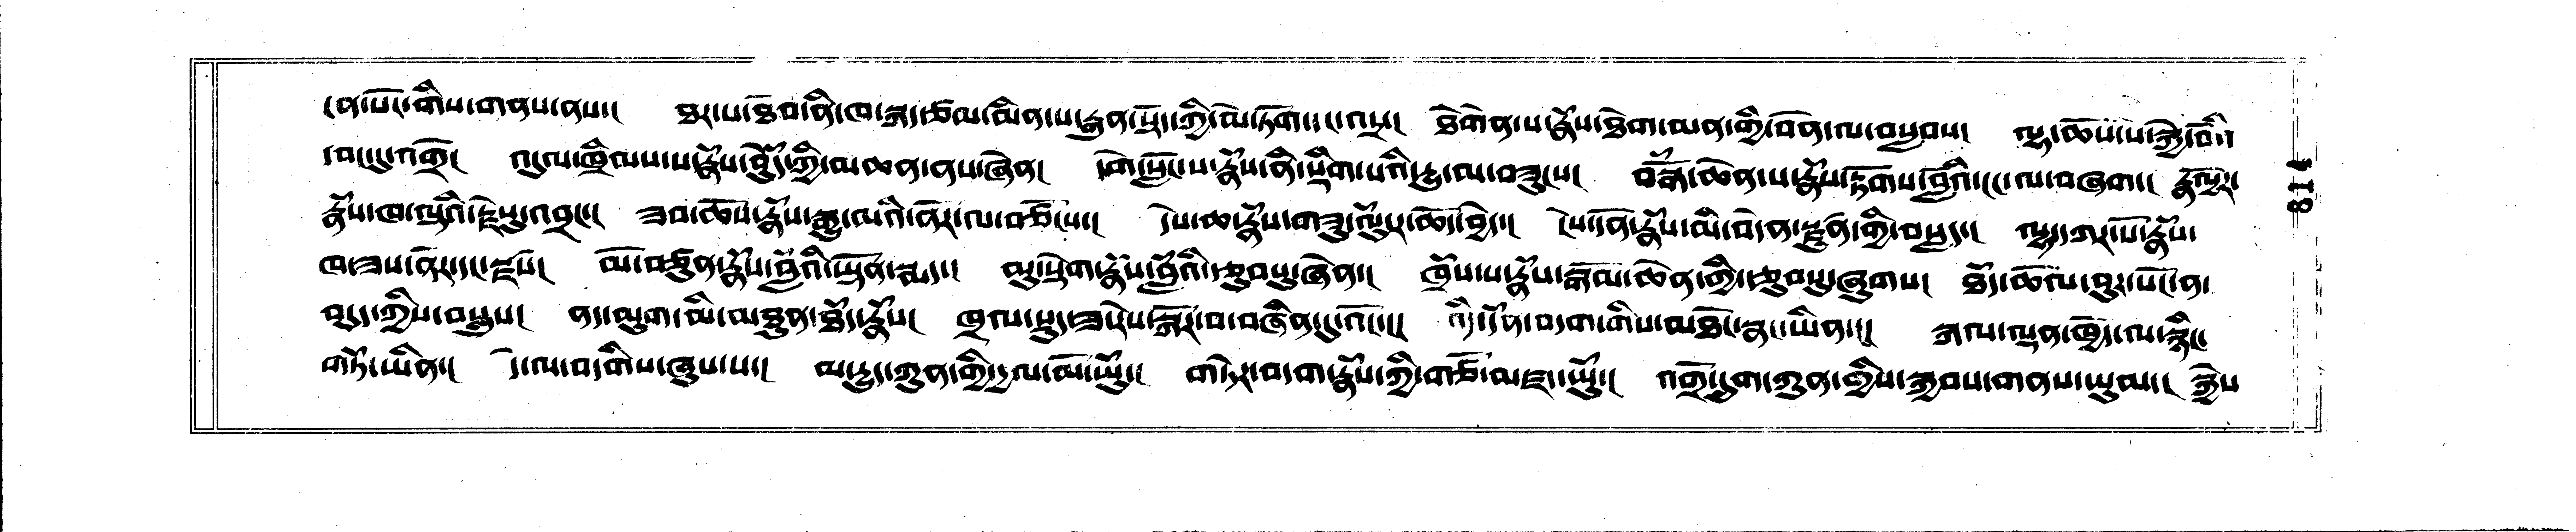ངན་སོང་གི་གནས་ནས། ཐར་པ་ཐོབ་ནི་ཁ་སྐད་ཙམ་མིན་པ་རྒུན་སྟོད་ཀྱི་མེ་ཏོག་དང་འདྲ། ཐེག་ཆེན་པ་རྣམས་ཐེག་དམན་གྱི་བོན་ལ་བསླབས། ལྷ་ཆོས་པ་སྐྱེ་བོའི་
དབང་དུ་འགྲོ འདུལ་ཁྲིམས་པ་རྣམས་བུད་མེད་ཀྱི་མཆན་ནས་ཞེན། དགེ་སློང་པ་རྣམས་ནི་སྡིག་པའི་རྒྱུ་མ་བཟུང་། སྒོམ་ཆེན་པ་རྣམས་རྟོག་བློའི་ངང་ལ་བཞག རྣལ་འབྱོར་
རྣམས་ཁ་ལྟའི་རྗེས་སུ་འབྲང་། ཟབ་ཆོས་རྣམས་སྒྱུ་མའི་ནོར་ལ་བཙོངས། དཔེ་ཆ་རྣམས་གཟུ་ལུམ་ར་ཆོད་བྱེད། ངེས་དོན་རྣམས་མི་བདེན་རྫུན་གྱིས་བསླད། ལྷ་དཀར་པོ་རྣམས་
ཁ་ཟས་ནོར་དང་རྫས། མོ་བཙུན་རྣམས་བླ་མའི་ཡོན་ཏན་སྨད། མུ་སྟེགས་རྣམས་བླ་མའི་རྩུབས་སུ་ཞེན། ཁྲམ་པ་རྣམས་སྒོམ་ཆེན་གྱི་རྩུབས་སུ་ཞུགས། ཐམས་ཅད་ཆོལ་བུར་སོང་ན་
བདུད་ཀྱིས་བསླུས། ནད་མུག་མི་མཐུན་ཐམས་ཅད་རྣམས། ཁྲལ་སྡུད་ཟ་རེས་སྐོར་བ་བཞིན་དུ་འོང་། འདི་དམ་ཅན་བདག་གིས་མཐོང་སྣང་ཡིན། སྐལ་ལྡན་ཁྱོད་ལ་སྙིང་
གཏམ་ཡིན། དེ་ལ་བདག་གིས་ཞུས་པ། མ་རྒྱུད་ཀུན་གྱི་རྒྱལ་མོ་ཡུམ། །གཏེར་བདག་རྣམས་ཀྱི་གཙོ་མཛད་ཡུམ། །འགྲོ་དྲུག་ཀུན་གྱི་སྐྱབས་གནས་ཡུམ། །སྐྱེས་